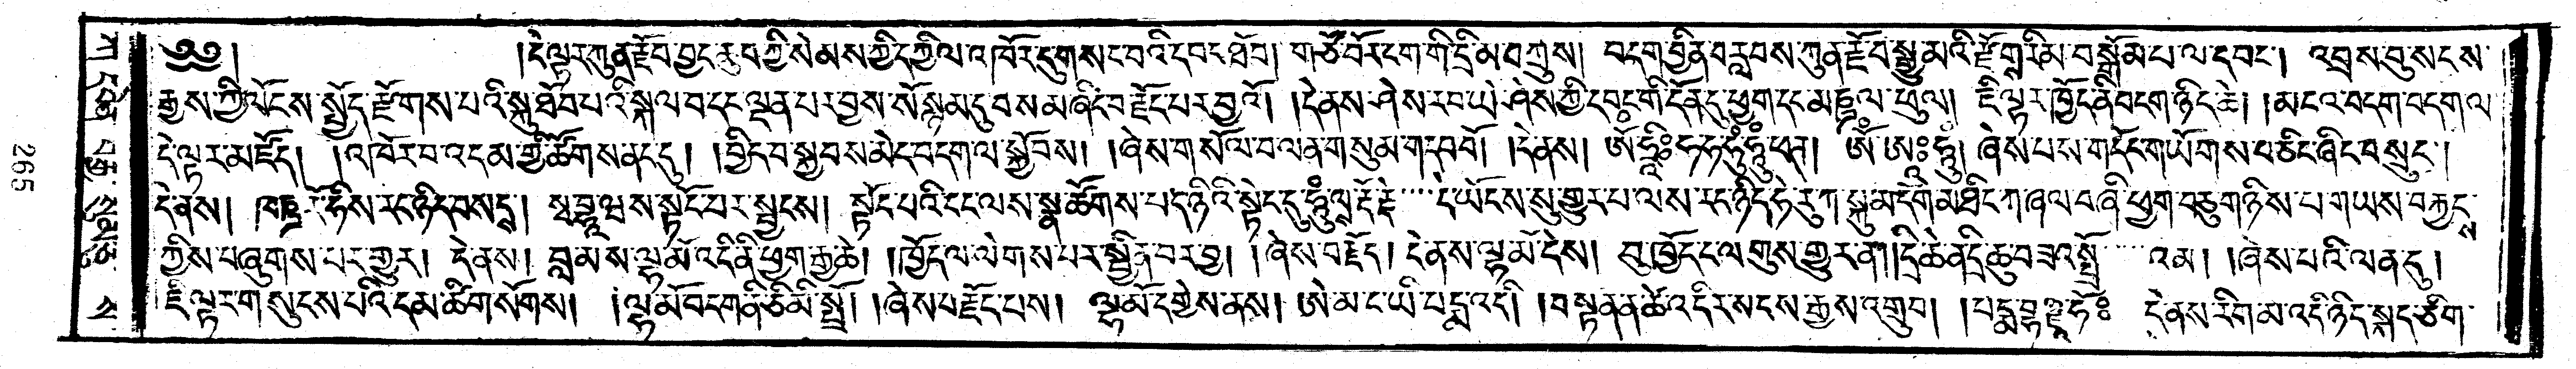༄༅། །དེ་ལྟར་ཀུན་རྫོབ་བྱང་ཆུབ་ཀྱི་སེམས་ཀྱི་དཀྱིལ་འཁོར་དུ་གསང་བའི་དབང་ཐོབ། གཙོ་བོར་ངག་གི་དྲི་མ་བཀྲུས། བདག་བྱིན་བརླབས་ཀུན་རྫོབ་སྒྱུ་མའི་རྫོགས་རིམ་བསྒོམ་པ་ལ་དབང་། འབྲས་བུ་སངས་
རྒྱས་ཀྱི་ལོངས་སྤྱོད་རྫོགས་པའི་སྐུ་ཐོབ་པའི་སྐལ་བ་དང་ལྡན་པར་བྱས་སོ་སྙམ་དུ་བསམ་ཞིང་བརྗོད་པར་བྱའོ། །དེ་ནས་ཤེས་རབ་ཡེ་ཤེས་ཀྱི་དབང་གི་དོན་དུ་ཕྱག་དང་མཎྜལ་ཕུལ། ཇི་ལྟར་ཁྱོད་ནི་བདག་ཉིད་ཆེ། །མངའ་བདག་བདག་ལ་
དེ་ལྟར་མཛོད། །འཁོར་བ་འདམ་གྱི་ཚོགས་ནང་དུ། །བྱིད་བ་སྐྱབས་མེད་བདག་ལ་སྐྱོབས། །ཞེས་གསོལ་བ་ལན་གསུམ་གདབ་བོ། །དེ་ནས། ཨོཾ་ཧྲཱིཿ ཧ་ཧ་ཧུཾ་ཧཱུཾ་ཕཊ། ཨོཾ་ཨཱཿ ཧཱུཾ། ཞེས་པས་གདོང་གཡོགས་བཅིང་ཞིང་བསྲུང་།
དེ་ནས། ཁཎྜ་རོ་ཧིས་རང་ཉིད་བསངས། སྭ་བྷཱ་ཝས་སྟོང་པར་སྦྱངས། སྟོང་པའི་ངང་ལས་སྣ་ཚོགས་པད་ཉིའི་སྟེང་དུ་ཧཱུཾ་ལས་རྡོ་རྗེ་དེ་ཡོངས་སུ་གྱུར་པ་ལས་རང་ཉིད་ཧེ་རུ་ཀ་སྐུ་མདོག་མཐིང་ཀ་ཞལ་བཞི་ཕྱག་བཅུ་གཉིས་པ་གཡས་བརྐྱངས་
ཀྱིས་བཞུགས་པར་གྱུར། དེ་ནས། བླ་མས་ལྷ་མོ་འདི་ནི་ཕྱག་རྒྱ་ཆེ། །ཁྱོད་ལ་ལེགས་པར་སྦྱིན་བར་བྱ། །ཞེས་བརྗོད། དེ་ནས་ལྷ་མོ་དེས། བུ་ཁྱོད་ང་ལ་གུས་གྱུར་ན། །དྲི་ཆེན་དྲི་ཆུ་བཟའ་སྤྲོའམ། །ཞེས་པའི་ལན་དུ།
ཇི་ལྟར་གསུངས་པའི་དམ་ཚིག་སོགས། །ལྷ་མོ་བདག་ནི་ཅི་མི་སྤྲོ། །ཞེས་བརྗོད་པས། ལྷ་མོ་དགྱེས་ནས། ཨེ་མ་ང་ཡི་པདམ་འདི། །བསྟན་ན་ཚེ་འདིར་སངས་རྒྱས་འགྲུབ། །པདམ་བྷ་ཉྫཱ་ཧོཿ དེ་ནས་རིག་མ་འདི་ཉིད་སྐད་ཅིག་